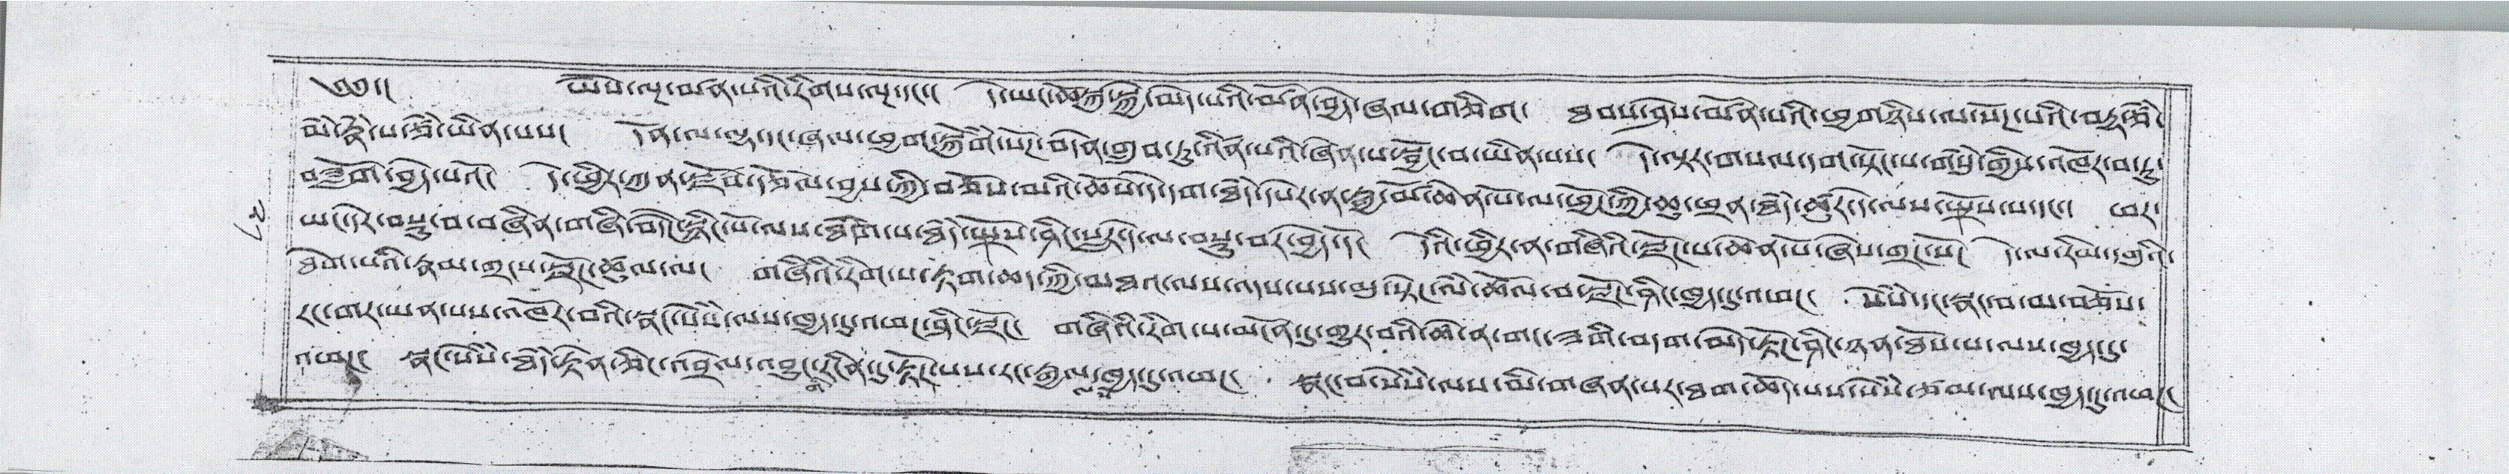ཡེ་ཤེས་ལྔ་མཚོན་པའི་རིགས་ལྔ་དང་། དེ་ཡང་ཆོས་སྐུ་སྐྱེ་བ་མེད་པ་མཚོན་པའི་ཞལ་གཅིག ཐབས་ཤེས་མཚོན་པའི་ཕྱག་གཉིས་ལ་སོགས་པའི་བརྡ་ཙམ་
མམ་རྣམ་པ་ཙམ་ཡིན་པས། དོན་ལ་ལྷ་དང་ཞལ་ཕྱག་སྐུ་མདོག་སོགས་བདེན་གྲུབ་ཏུ་འཛིན་པའི་ཞེན་པ་སྦྱོང་བ་ཡིན་པས། དེ་ལྟར་གསལ་དག་སྟོང་པ་གསུམ་གྱིས་འཁོར་བ་རུ་
བཟློག་པར་བྱེད་པའོ། དེ་ཕྱིར་ཀུན་རྫོབ་རྩོལ་བྱས་ཀྱི་བཅོས་མའི་ཆོས་དེ་དག་ཐམས་ཅད་དཔེར་ན་རྒྱ་མཚོ་ཆེན་པོ་ལ་ཕྱོགས་ཀྱི་ཆུ་ཕྲན་ཐམས་ཅད་ཚུར་དེ་ལས་སྤྲོས་པ་དང་། ཕར་
ཡང་དེར་བསྡུ་བ་བཞིན་གཞི་བདེར་གཤེགས་སྙིང་པོ་ལས་ཐེག་པ་ཐམས་ཅད་དེ་ལས་སྤྲོས་ཤིང་སླར་དེ་ལས་བསྡུ་བར་བྱེད་དོ། དེའི་ཕྱིར་ན་གཞིའི་རྫོགས་པ་ཆེན་པོ་ཞེས་གྲགས་སོ། དེ་ལ་རིམ་དགུའི་
ཐེག་པའི་རྣམ་གྲངས་རྫོགས་ཚུལ་ལ། གཞིའི་རིག་པ་རྟག་ཆད་ཀྱི་མཐའ་ལས་འདས་པས་མུ་སྟེགས་ལམ་ཚོལ་བ་རྫོགས་ཤིང་ཁྱད་དུ་འཕགས་པ། སེམས་དང་སྣང་བ་མ་བཅོས་
རང་གར་ཡན་པས་འཁོར་བའི་སྣང་སེམས་ལས་ཁྱད་དུ་འཕགས་ཤིང་རྫོགས་པ། གཞིའི་རིག་པ་མངོན་དུ་གྱུར་པའི་ཚེ་ན་གང་ཟག་གི་བདག་མེད་རྟོགས་ཤིང་ཉན་ཐོས་པ་ལས་ཁྱད་དུ་
འཕགས། སྣང་སེམས་ཐམས་ཅད་རྟེན་ཅིང་འབྲེལ་འབྱུང་གི་རང་བཞིན་དུ་རྟོགས་པས་རང་རྒྱལ་ལས་ཁྱད་དུ་འཕགས། སྣང་བ་སེམས་ལས་མི་གཞན་པར་ཐག་ཆོད་པས་སེམས་ཙམ་ལས་ཁྱད་དུ་འཕགས།